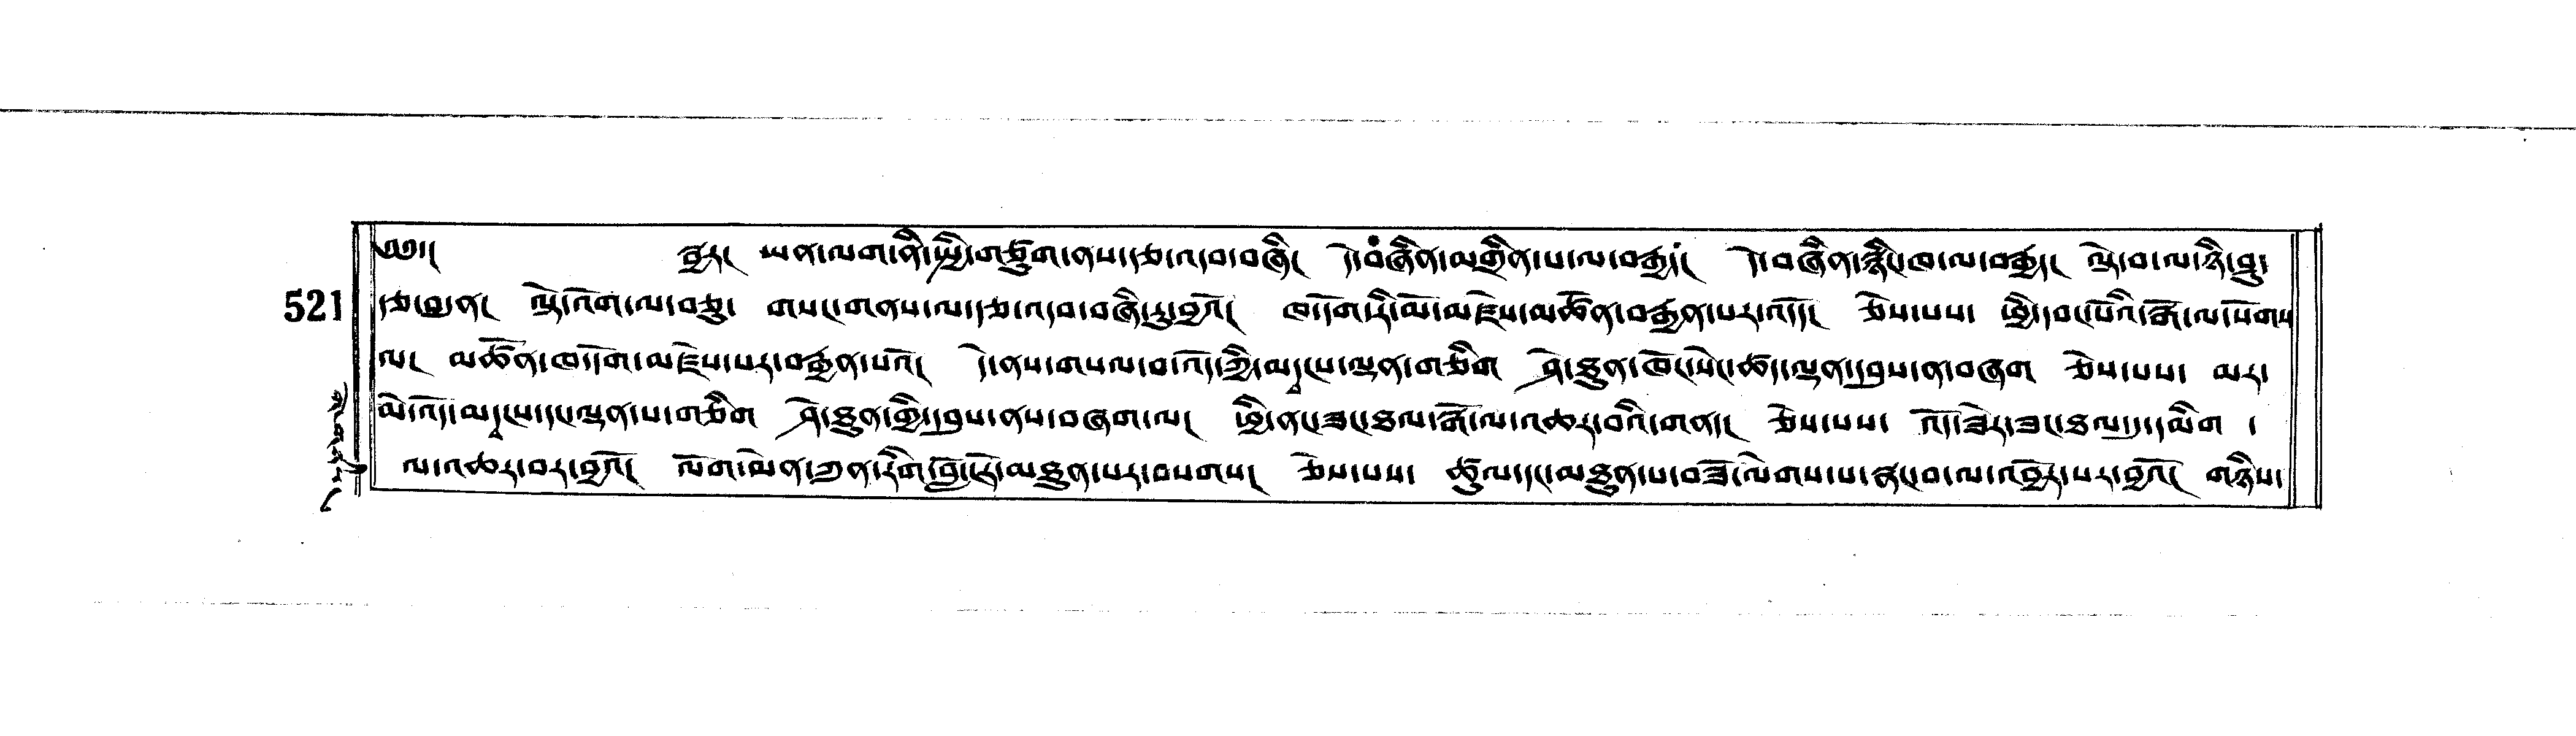སྦྱར། ཡན་ལག་ནི་སྤྱི་གཙུག་ནས་རྩ་འདབ་བཞི། དེ་བཞིན་མགྲིན་པ་ལ་བརྒྱད། དེ་བཞིན་སྙིང་ཁ་ལ་བརྒྱད། ལྟེ་བ་ལ་ཉི་ཤུ་
རྩ་བདུན། ལྟེ་འོག་ལ་བཅུ། གསང་གནས་ལ་རྩ་འདབ་བཞི་རུ་བྱའོ། ཁ་དོག་རི་མོ་མཛེས་ཚོན་བརྒྱན་པར་འདོད། ཅེས་པས། ཕྱི་དབང་པོའི་སྒོ་ལ་སོགས་
ལ། མཚོན་ཁ་དོག་མཛེས་པར་བརྒྱན་པའོ། དེ་ནས་གསལ་བ་འོད་ཀྱི་མདངས་ལྡན་གཅིག ཤེ་ཐུན་ཁོང་སེང་ཚད་ལྡན་དབུས་ན་བཞག ཅེས་པས། མར་
མེ་འོད་མདངས་དང་ལྡན་པ་གཅིག ཤེ་ཐུན་གྱི་དབུས་ནས་བཞག་ལ། ཕྱི་ནང་ཟང་ཐལ་སྒོ་ལ་འཆར་བའི་གནད། ཅེས་པས། འོད་ཟེར་ཟང་ཐལ་དུ་མིག་
ལ་འཆར་བར་བྱའོ། ལོག་མེན་ཀུན་རིག་བློ་ངོར་མཐུན་པར་བསགས། ཅེས་པས། ཚུལ་དང་མཐུན་པ་བཟོ་ལེགས་པ་སྣང་བ་ལ་འབྱོར་བར་བྱའོ། གཉིས་